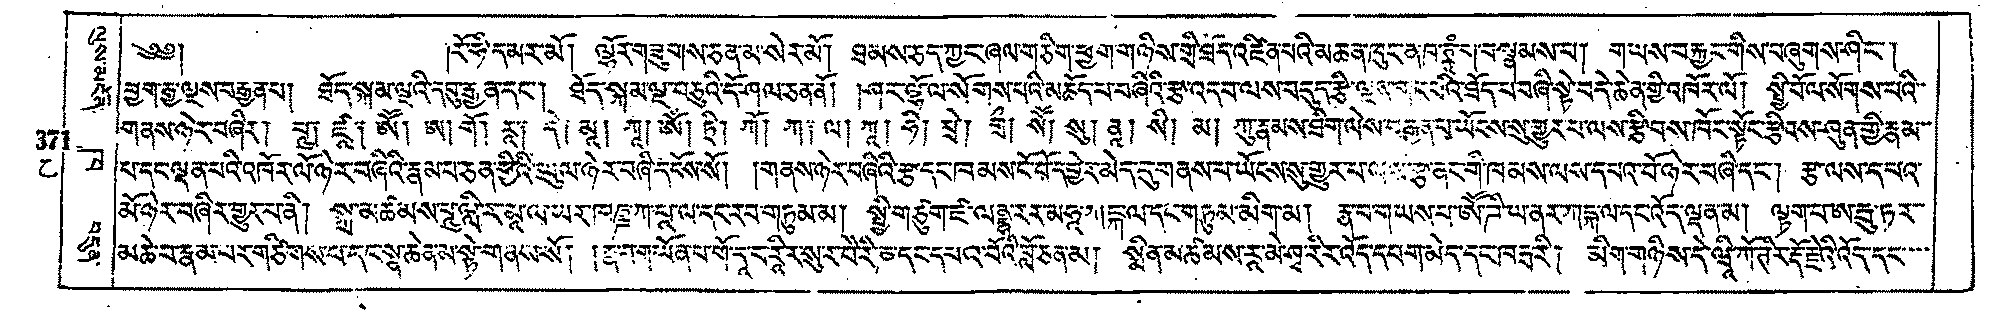༄༅། །རོ་ཧི་དམར་མོ། ལྷོར་གཟུགས་ཅན་མ་སེར་མོ། ཐམས་ཅད་ཀྱང་ཞལ་གཅིག་ཕྱག་གཉིས་གྲི་ཐོད་འཛིན་པའི་མཆན་ཁུང་ན་ཁ་ཊྲཱཾ་ག་བསྣམས་པ། གཡས་བརྐྱང་གིས་བཞུགས་ཤིང་།
ཕྱག་རྒྱ་ལྔས་བརྒྱན་པ། ཐོད་སྐམ་ལྔའི་དབུ་རྒྱན་དང་། ཐོད་སྐམ་ལྔ་བཅུའི་དོ་ཤལ་ཅན་ནོ། །ཤར་ལྷོ་ལ་སོགས་པའི་མཆོད་པ་བཞིའི་རྩ་འདབ་ལས་བདུད་རྩི་ལྔས་གང་བའི་ཐོད་པ་བཞི་སྟེ་བདེ་ཆེན་གྱི་འཁོར་ལོ། སྤྱི་བོ་ལ་སོགས་པའི་་་
གནས་ཉེར་བཞིར། པཱུ༑ ཛཱ༑ ཨཽ། ཨ། གོ། རཱ༑ དེ། མཱ། ཀཱ། ཨོཾ། ཏྲི། ཀོ། ཀ༑ ལ། ཀཱ། ཧི། པྲེ། གྲྀ། སཽ། སུ། ནཱ། སི། མ། ཀུ་རྣམས་ཐིག་ལེས་བརྒྱན་པ་ཡོངས་སུ་གྱུར་པ་ལས་རྩིབས་ཁོང་སྟོང་རྩིབས་ཤུན་གྱི་རྣམ་་་
པ་དང་ལྡན་པའི་འཁོར་ལོ་ཉེར་བཞིའི་རྣམ་པ་ཅན་གྱིའི་ཡུལ་ཉེར་བཞི་དངོས་སོ། །གནས་ཉེར་བཞིའི་རྩ་དང་ཁམས་ངོ་བོ་དབྱེར་མེད་དུ་གནས་པ་ཡོངས་སུ་གྱུར་པ་ལས་རྩ་ནང་གི་ཁམས་ལས་དཔའ་བོ་ཉེར་བཞི་དང་། རྩ་ལས་དཔའ་
མོ་ཉེར་བཞིར་གྱུར་པ་ནི། སྐྲ་མཚམས་པཱུ་ལླི་ར་མཱ་ལ་ཡར་ཁཎྜ་ཀ་པཱ་ལ་དང་རབ་གཏུམ་མ། སྤྱི་གཙུག་ཛ་ལནྡྷ་རར་མྷཱ་ཀངྐ་ལ་དང་གཏུམ་མིག་མ། རྣ་བ་གཡས་པ་ཨཽ་ཌི་ཡ་ནར་ཀངྐ་ལ་དང་འོད་ལྡན་མ། ལྟག་པ་ཨ་རྦུ་ཏར་་་
མཆེ་བ་རྣམ་པར་གཙིགས་པ་དང་སྣ་ཆེན་མ་སྟེ་གནས་སོ། །རྣ་བ་གཡོན་པ་གོ་དཱ་བ་རཱིར་སུ་ར་བཻ་རི་ཎ་དང་དཔའ་བོའི་བློ་ཅན་མ། སྨིན་མཚམས་རཱ་མེ་ཤྭ་རིར་འོད་དཔག་མེད་དང་ཁརྦ་རི། མིག་གཉིས་དེ་ཝཱི་ཀོ་ཊིར་རྡོ་རྗེའི་འོད་དང་་་